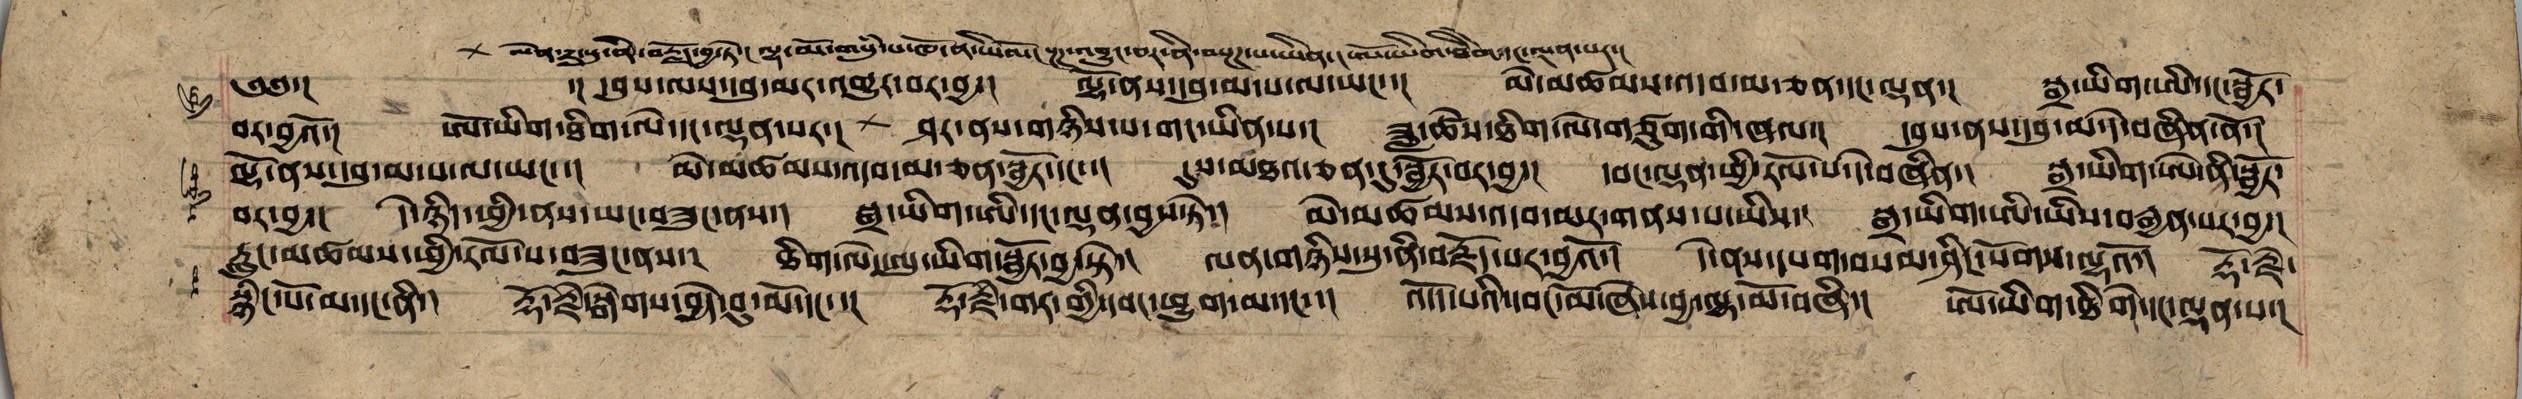ལེན་དྲ་སུ་ནི་བརྗོད་བྱ་ཏེ་། ལྷ་མོ་གསུཾ་པ་ཁོ་ནི་ཡོལ། སྔཌ་འབྱུང་བར་ནི་བསྔཌ་པ་ཡིན་། ཨོ་ཡིག་ཐིགེ་དང་ལྡན་པར་།
༄༅་། ་། དབུས་ལས་དབུ་མར་འགྱུར་བར་བྱ་། ལྷོ་ནས་དབུ་མ་པ་ལ་ཡང་་། མེ་མཚམས་འདབ་མ་ཅན་དང་ལྡན་། སྒྲ་ཡིག་ཨི་དང་སྦྱོར་
བར་བྱའོ་། ཨོ་ཡིག་ཐིག་ལེ་དང་ལྡན་པར་། ཤར་ནས་གཉིས་པ་གང་ཡིན་པ་། ཟླ་ཚེས་ཐིག་ལེ་གཙུག་གི་ཞལ་། དབུས་ནས་དབུ་མ་དེ་བཞིན་ནོ་།
ལྷོ་ནས་དབུ་མ་པ་ལ་ཡང་་། མེ་མཚམས་འདབ་མ་ཅན་སྦྱོར་དང་་། དུས་མཐའ་ཅན་དུ་སྦྱོར་བར་བྱ་། དབང་ལྡན་ཕྱི་རོལ་པ་དེ་བཞིན་། སྒྲ་ཡིག་ཨེ་ནི་སྦྱོར་
བར་བྱ་། དེ་ཉིད་ཕྱི་ནས་ཡང་བཟུང་ནས་། སྒྲ་ཡིག་ཨི་དང་ལྡན་བྱས་ཏེ་། མེ་མཚམས་འདབ་མར་གནས་པ་ཡིས་། སྒྲ་ཡིག་ཨི་ཡིས་བརྒྱན་པར་བྱ་།
རླུང་མཚམས་ཕྱི་རོལ་ས་བཟུང་ནས་། ཐིག་ལེ་ཨུ་ཡིག་སྦྱོར་བྱ་སྟེ་། ལན་གཉིས་སུ་ནི་བརྗོད་པར་བྱའོ་། དེ་ནས་དཔག་བསམ་ཤིང་སོགས་ལྷའོ་། རྡོ་རྗེ་
སྙིང་པོ་མ་དང་ནི་། རྡོ་རྗེ་སྒེགས་བྱེད་བུ་མོ་དང་་། རྡོ་རྗེ་གར་གྱི་དབང་ཕྱུག་མ་དང་་། འདོད་པའི་དབང་མོ་ཞེས་བྱ་ལྷ་མོ་བཞི་། ཨོ་ཡིག་ཐིག་ལེ་དང་ལྡན་པ་།